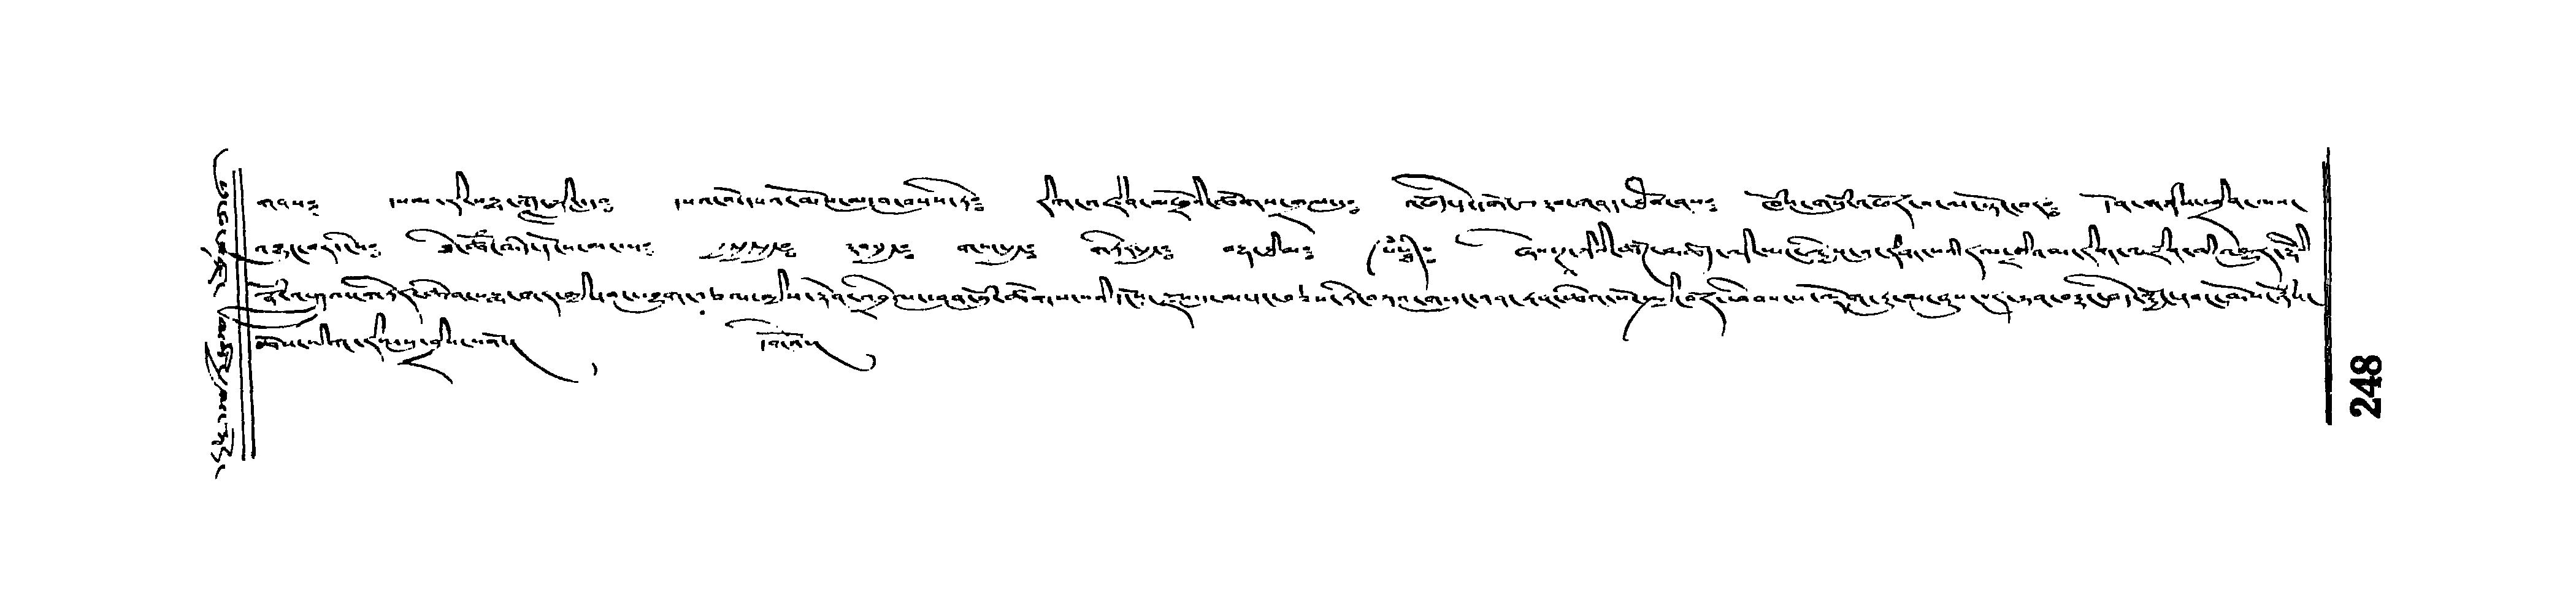གནས༔ དཔལ་རི་པདྨ་འོད་གླིང་དུ༔ དཔའ་བོ་དཔའ་མོས་མདུན་བསུས་ཏེ༔ རིག་འཛིན་མཁའ་འགྲོའི་ཚོགས་གྲལ་དུ༔ འཁོད་དེ་དགོངས་ཟབ་གནད་ཐོབ་ནས༔ ཁམས་གསུམ་འཁོར་བ་མ་སྟོངས་བར༔ དོན་གཉིས་ཕྲིན་ལས་
འབྱུང་བར་ངེས༔ ཐེ་ཚོམ་མེད་དངོས་མ་ཡ༔ རྒྱ་རྒྱ་རྒྱ༔ ཟབ་རྒྱ༔ གསང་རྒྱ༔ གཏེར་རྒྱ༔ བརྡ་ཐིམ༔ ༔ ཞེས་ཌཱ་ཀིའི་ཚོགས་མཆོད་འདི་ཡང་སྐྱེས་བུ་རིག་པའི་རལ་གྲིའམ་རིག་འཛིན་མི་འགྱུར་རྡོ་རྗེའི་
རྣམ་འཕྲུལ་གཏེར་ཆེན་པདྨ་གར་གྱི་དབང་ཕྱུག་རྩལ་གྱིས་རྟེན་འབྲེལ་ཕུན་སུམ་ཚོགས་པའི་དངོས་རྫས་དུ་མ་དང་བཅས་ཏེ་བཀའ་གསུང་ནན་ཏན་ཆེན་པོ་སྤྱི་བོར་ཕེབས་པ་ལྡོག་ཏུ་མ་ནུས་པར་ཀུན་བཟང་བདེ་སྐྱོང་དབང་མོས་ཉམས་
ཆོས་ཡིག་རིས་སུ་བྲིས་པའོ།། དགེའོ།།